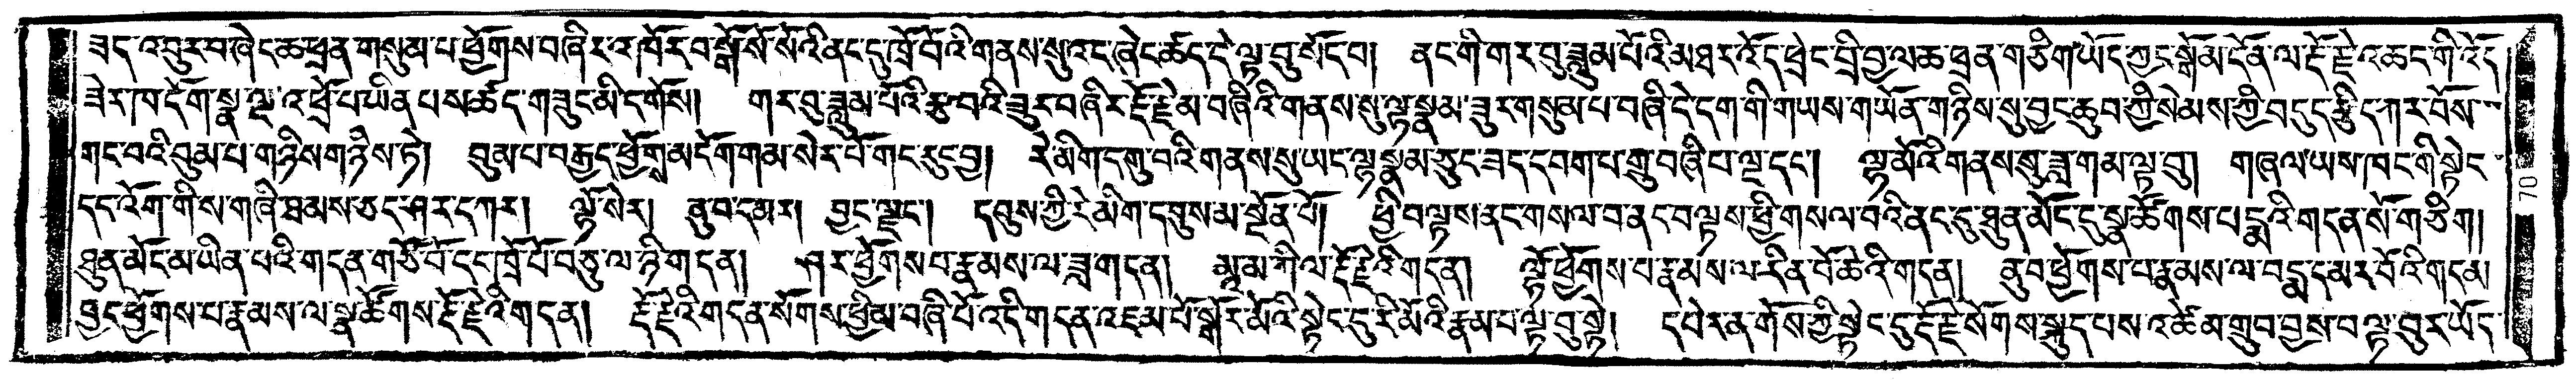ཟད་འབུར་བ་ཞེང་ཆ་ཕྲན་གསུམ་པ་ཕྱོགས་བཞིར་འཁོར་བ་སྒོ་སོ་སོའི་ནང་དུ་ཁྲོ་བོའི་གནས་སུའང་ཞེང་ཚད་དེ་ལྟ་བུ་སོང་བ། ནང་གི་གར་བུ་ཟླུམ་པོའི་མཐར་འོད་ཕྲེང་བྲི་བྱ་ལ་ཆ་ཕྲན་གཅིག་ཡོད་ཀྱང་སྒོམ་དོན་ལ་རྡོ་རྗེ་འཆང་གི་འོད་
ཟེར་ཁ་དོག་སྣ་ལྔ་འཕྲོ་པ་ཡིན་པས་ཚད་གཟུང་མི་དགོས། གར་བུ་ཟླུམ་པོའི་རྩ་བའི་ཟུར་བཞིར་རྡོ་རྗེ་མ་བཞིའི་གནས་སུ་ལྷ་སྣམ་ཟུར་གསུམ་པ་བཞི་དེ་དག་གི་གཡས་གཡོན་གཉིས་སུ་བྱང་ཆུབ་ཀྱི་སེམས་ཀྱི་བདུད་རྩི་དཀར་པོས་
གང་བའི་བུམ་པ་གཉིས་གཉིས་ཏེ། བུམ་པ་བརྒྱད་ཕྱོགས་མདོག་གམ་སེར་པོ་གང་རུང་བྱ། རེ་མིག་དགུ་བའི་གནས་སུ་ཡང་ལྷ་སྣམ་ཅུང་ཟད་དཔག་པ་གྲུ་བཞི་པ་ལྔ་དང་། ལྷ་མོའི་གནས་སུ་ཟླ་གམ་ལྟ་བུ། གཞལ་ཡས་ཁང་གི་སྟེང་
དང་འོག་གིས་གཞི་ཐམས་ཅད་ཤར་དཀར། ལྷོ་སེར། ནུབ་དམར། བྱང་ལྗང་། དབུས་ཀྱི་རེ་མིག་དབུས་མ་སྔོན་པོ། ཕྱི་བལྟས་ནང་གསལ་བ་ནང་བལྟས་ཕྱི་གསལ་བའི་ནང་དུ་ཐུན་མོང་དུ་སྣ་ཚོགས་པདམའི་གདན་སོ་གཅིག།
ཐུན་མོང་མ་ཡིན་པའི་གདན་གཙོ་བོ་དང་ཁྲོ་བོ་བཅུ་ལ་ཉི་གདན། ཤར་ཕྱོགས་པ་རྣམས་ལ་ཟླ་གདན། མཱ་མ་ཀི་ལ་རྡོ་རྗེའི་གདན། ལྷོ་ཕྱོགས་པ་རྣམས་ལ་རིན་པོ་ཆེའི་གདན། ནུབ་ཕྱོགས་པ་རྣམས་ལ་པདམ་དམར་པོའི་གདན།
བྱང་ཕྱོགས་པ་རྣམས་ལ་སྣ་ཚོགས་རྡོ་རྗེའི་གདན། རྡོ་རྗེའི་གདན་སོགས་ཕྱི་མ་བཞི་པོ་འདི་གདན་འཇམ་པོ་སྒོར་མོའི་སྟེང་དུ་རི་མོའི་རྣམ་པ་ལྟ་བུ་སྟེ། དཔེར་ན་གོས་ཀྱི་སྟེང་དུ་རྡོ་རྗེ་སོགས་སྐུད་པས་འཚེམ་གྲུབ་བྱས་བ་ལྟ་བུར་ཡོད་